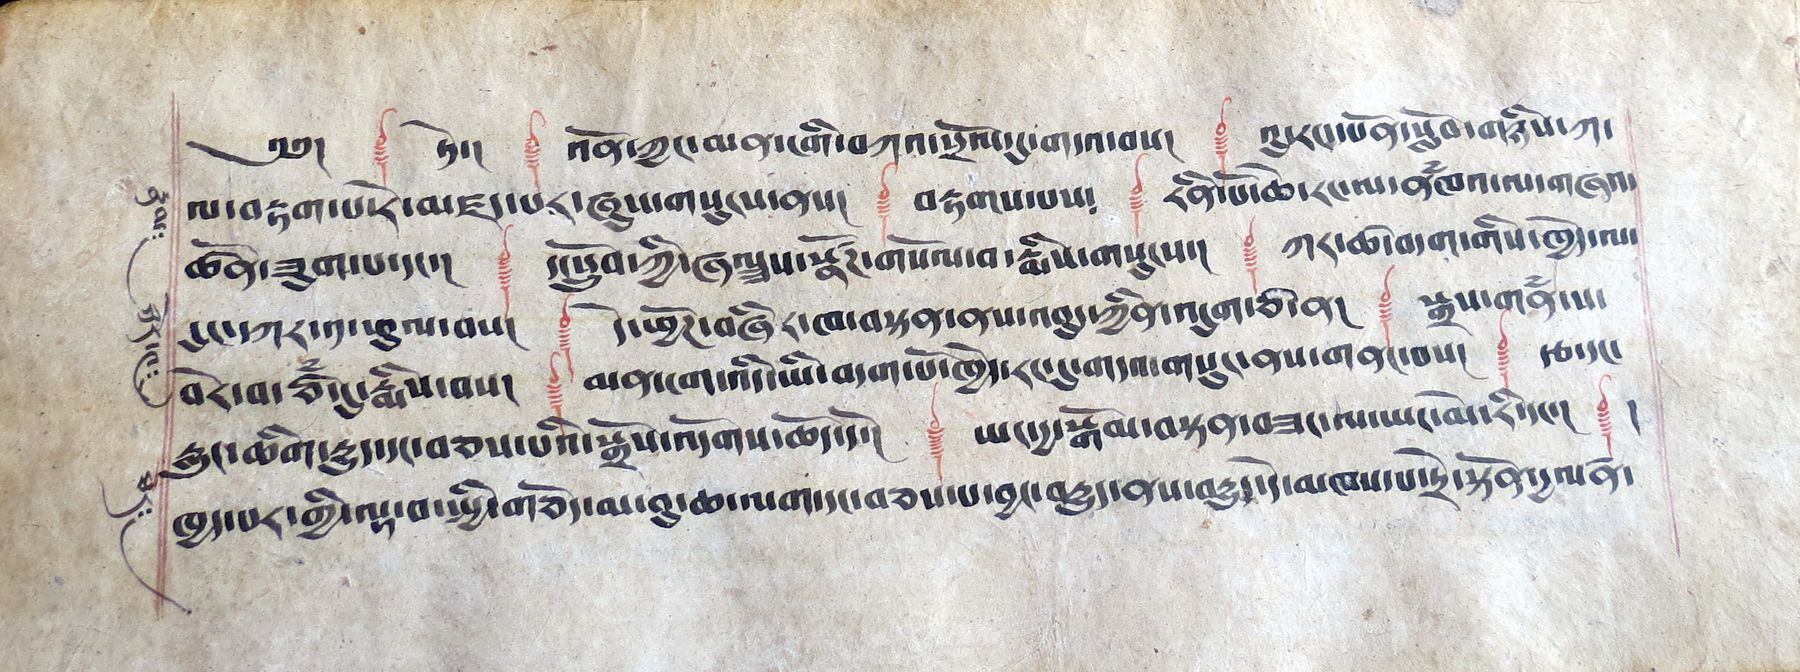འོན་ཀྱང་མན་ངག་བཀའ་སྲོལ་དུ་གདའ་བས། འུ་རང་དཔོན་སློབ་གཉིས་ཀས་
ལ་བརྟག་པ་རེ་མཛད་པ་ཞུ་གསུངས་ནས། བརྟགས་པས། རིན་པོ་ཆེའི་རང་ལ་ནམ་མཁའ་ལ་གཞའ་
ཚོན་ཟུག་པ་དང་། དངོས་གྲུབ་ཀྱི་ཞལ་ཟས་སྣ་ཚོགས་གསོལ་བ་རྨིས་གསུངས། ཀར་ཚས་བདག་གིས་ཁྱེད་
ལ་དུང་དཀར་གཅིག་ཕུལ་བས། དེར་ཕྱོགས་བཞིར་ཁ་ལྟས་ནས་འབུད་ཀྱིན་འདུག་ཙམ་ན། སྒྲས་གནམ་ས་
འབེར་བ་ལྟ་བུ་རྨིས། མན་ངག་འདིའི་བདག་པོ་ཁྱེད་རང་གདའ་གསུང་ནས་གནང་བས། རྩ་དང་
རླུང་གཅིག་བརྒྱུད་དང་བཅས་པའི་སྒྲོས་འདོགས་ཆོད་དོ། ། ཡང་རྒྱ་སྒོམ་བསྟན་བཟང་ལ་ཡང་མེ་རི་དང་། 
ཁྱད་པར་ཕྱི་ལྟ་བ་སྤྱི་གཅོད་མ་བུ་ཆ་ལག་དང་བཅས་པ། བྱང་རྒྱུད་ནས་བརྒྱུད་དེ་མཁས་པ་ཏྲེ་སྟོན་རྒྱལ་མཚན་